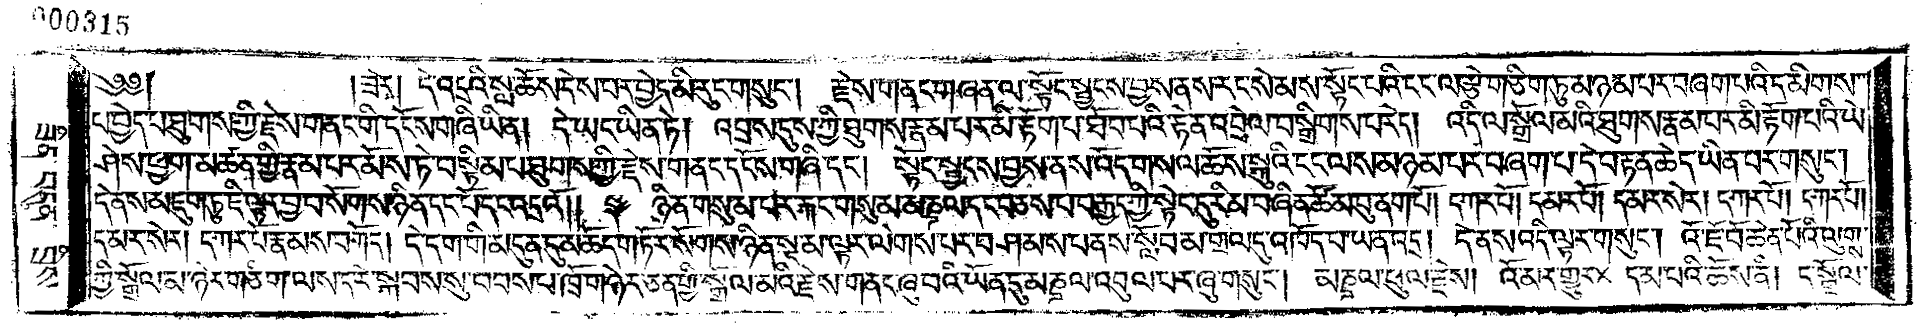༄༅། །ཟེར། དེ་འདྲའི་སླ་ཆོས་དེས་བར་བྱེད་མི་རུང་གསུང་། རྗེས་གནང་གཞན་ལ་སྟོང་སྦྱངས་བྱས་ནས་རང་སེམས་སྟོང་པའི་ངང་ལ་རྩེ་གཅིག་ཏུ་མཉམ་པར་བཞག་པའི་དམིགས་
པ་བྱེད་པ་ཐུགས་ཀྱི་རྗེས་གནང་གི་དངོས་གཞི་ཡིན། དེ་ཡང་ཡིན་ཏེ། འབྲས་དུས་ཀྱི་ཐུགས་རྣམ་པར་མི་རྟོག་པ་ཐོབ་པའི་རྟེན་འབྲེལ་བསྒྲིགས་པ་རེད། འདི་ལ་སྒྲོལ་མའི་ཐུགས་རྣམ་པར་མི་རྟོག་པའི་ཡེ་
ཤེས་ཕྱག་མཚན་གྱི་རྣམ་པར་མོས་ཏེ་བསྟིམ་པ་ཐུགས་ཀྱི་རྗེས་གནང་དངོས་གཞི་དང་། སྟོང་སྦྱངས་བྱས་ནས་འོད་གསལ་ཆོས་སྐུའི་ངང་ལས་མཉམ་པར་བཞག་པ་དེ་བརྟན་ཆེད་ཡིན་པར་གསུང་།
དེ་ནས་མཇུག་ཏུ་ཇི་ལྟར་བྱ་བ་སོགས་ཉིན་དང་པོ་དང་འདྲའོ།། ༈ ཉིན་གསུམ་པར་རྐང་གསུམ་མཎྜལ་དང་བཅས་པ་བརྒྱད་ཀྱི་སྟེང་དུ་རིམ་བཞིན་ཚོམ་བུ་ནག་པོ། དཀར་པོ། དམར་པོ། དམར་སེར། དཀར་པོ། དཀར་པོ།
དམར་སེར། དཀར་པོ་རྣམས་བཀོད། དེ་དག་གི་མདུན་དུ་མཆོད་གཏོར་སོགས་ཉིན་སྔ་མ་ལྟར་ལེགས་པར་བཤམས་པ་ནས་སློབ་མ་གྲལ་དུ་འཁོད་པ་ཡན་འདྲ། དེ་ནས་འདི་ལྟར་གསུང་། འོ་ཇོ་བོ་ཆེན་པོའི་ལུགས་
ཀྱི་སྒྲོལ་མ་ཉེར་གཅིག་ལས་ད་རེ་སྐབས་སུ་བབས་པ་ཁྲོ་གཉེར་ཅན་གྱི་སྒྲོལ་མའི་རྗེས་གནང་ཞུ་བའི་ཡོན་དུ་མཎྜལ་འབུལ་བར་ཞུ་གསུང་། མཎྜལ་ཕུལ་རྗེས། འོ་མར་གྱུར྾་དམ་པའི་ཆོས་ནི། ད་སྒྲོལ་